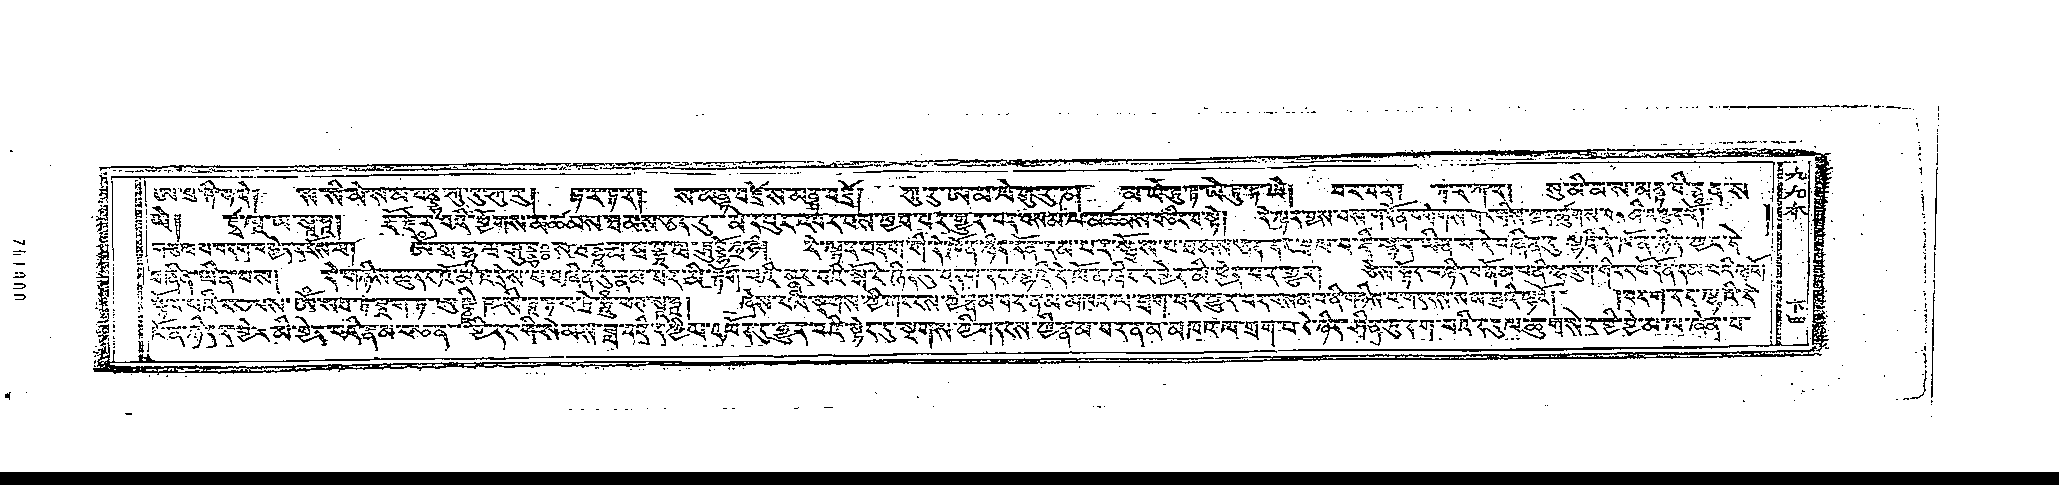ཨ་པྲ་ཏི་ཧ་དེ། ས་སི་མེ་ས་མ་བནྡྷ་ཀུ་རུ་ཀུ་རུ། ཏ་ར་ཏ་ར། ས་མནྟ་བཛར་ས་མནྟ་བཛྲེ། ཀུ་རུ་ཨ་མ་ལེ་གུ་རུ་ཎ། མ་ཡེ་ཏུ་ཏ་ཡེ་ཏུ་ཏ་ཡེ། པར་བར། ཀ་ར་ཀ་ར། སུ་མི་མ་ས་མནྟ་བིདྷྭ་ན་ས་
ཡེ། ཛྭ་ལཱ་ཡ་སྭཱཧཱ། རྡོ་རྗེ་ར་པའི་ཕྱོགས་མཚམས་ཐམས་ཅད་དུ་མེ་དཔུང་འབར་བས་ཁྱབ་པར་གྱུར་པར་བསམ་ལ་མཚམས་བཅིང་བ་སྟེ། དེ་ལྟར་བྱས་པས་གདོན་བགེགས་གང་གིས་ཀྱང་ཚུགས་བར་མི་འགྱུར་རེ། །
གསུམ་པ་བདག་བསྐྱེད་དངོས་ལ། ཨོཾ་སྭ་བྷཱ་ཝ་ཤུདྡྷཿ་སརྦ་དྷརྨ་སྭ་བྷཱ་ཝ་ཤུདྡྷོཉ་ཧཾ། དེ་ལྟར་བདག་གི་དེ་ཁོ་ན་ཉིད་དོན་དམ་པར་སྤྲོས་པ་ཐམས་ཅད་དང་བྲལ་བ་ཇི་ལྟར་ཡིན་པ་དེ་བཞིན་དུ་ལྷའི་དེ་ཁོ་ན་ཉིད་ཀྱང་དེ་
བཞིན་ཡིན་པས། དེ་གཉིས་ཆུ་དང་འོ་མ་འདྲེས་པ་བཞིན་དུ་རྣམ་པར་མི་རྟོག་པའི་སྣང་བའི་སྒོ་དེ་ཉིད་དུ་བདག་དང་ལྷའི་དེ་ཁོ་ན་ཉིད་དབྱེར་མི་ཕྱེད་པར་གྱུར། ཅེས་སྟོང་པ་ཉིད་བསྒོམ་པ་ནི་ལྷ་དྲུག་གི་དང་པོ་དོན་དམ་པའི་ལྟའོ།།
སྟོང་བའི་དང་ལས་ཨོཾ་སརྦ་ཏ་ཐཱ་ག་ཏ་ཨུ་ཥྞི་ཥ་སི་ཏཱ་ཏ་པ་ཏྲེ་ཧཱུཾ་ཕཊ་སྭཱཧཱ། ཞེས་པའི་སྔགས་ཀྱི་གདངས་ཀྱི་རྣམ་པར་ནམ་མཁའ་ལ་གྲག་པར་གྱུར་པར་བསམ་པ་ནི་གཉིས་པ་གདངས་སམ་སྒྲའི་ལྷའོ། །བདག་དང་ལྷའི་དེ་
ཁོ་ན་ཉིད་དབྱེར་མི་ཕྱེད་པའི་རྣམ་པ་ཅན་གྱི་རང་གི་སེམས་ཟླ་བའི་དཀྱིལ་འཁོར་དུ་གྱུར་པའི་སྟེང་དུ་སྔགས་ཀྱི་གདངས་ཀྱི་རྣམ་པར་ནམ་མཁའ་ལ་གྲག་པ་དེ་ཉིད་ཤིན་ཏུ་དག་པའི་དངུལ་ཆུ་གསེར་གྱི་བྱེ་མ་ལ་ཞེན་པ་